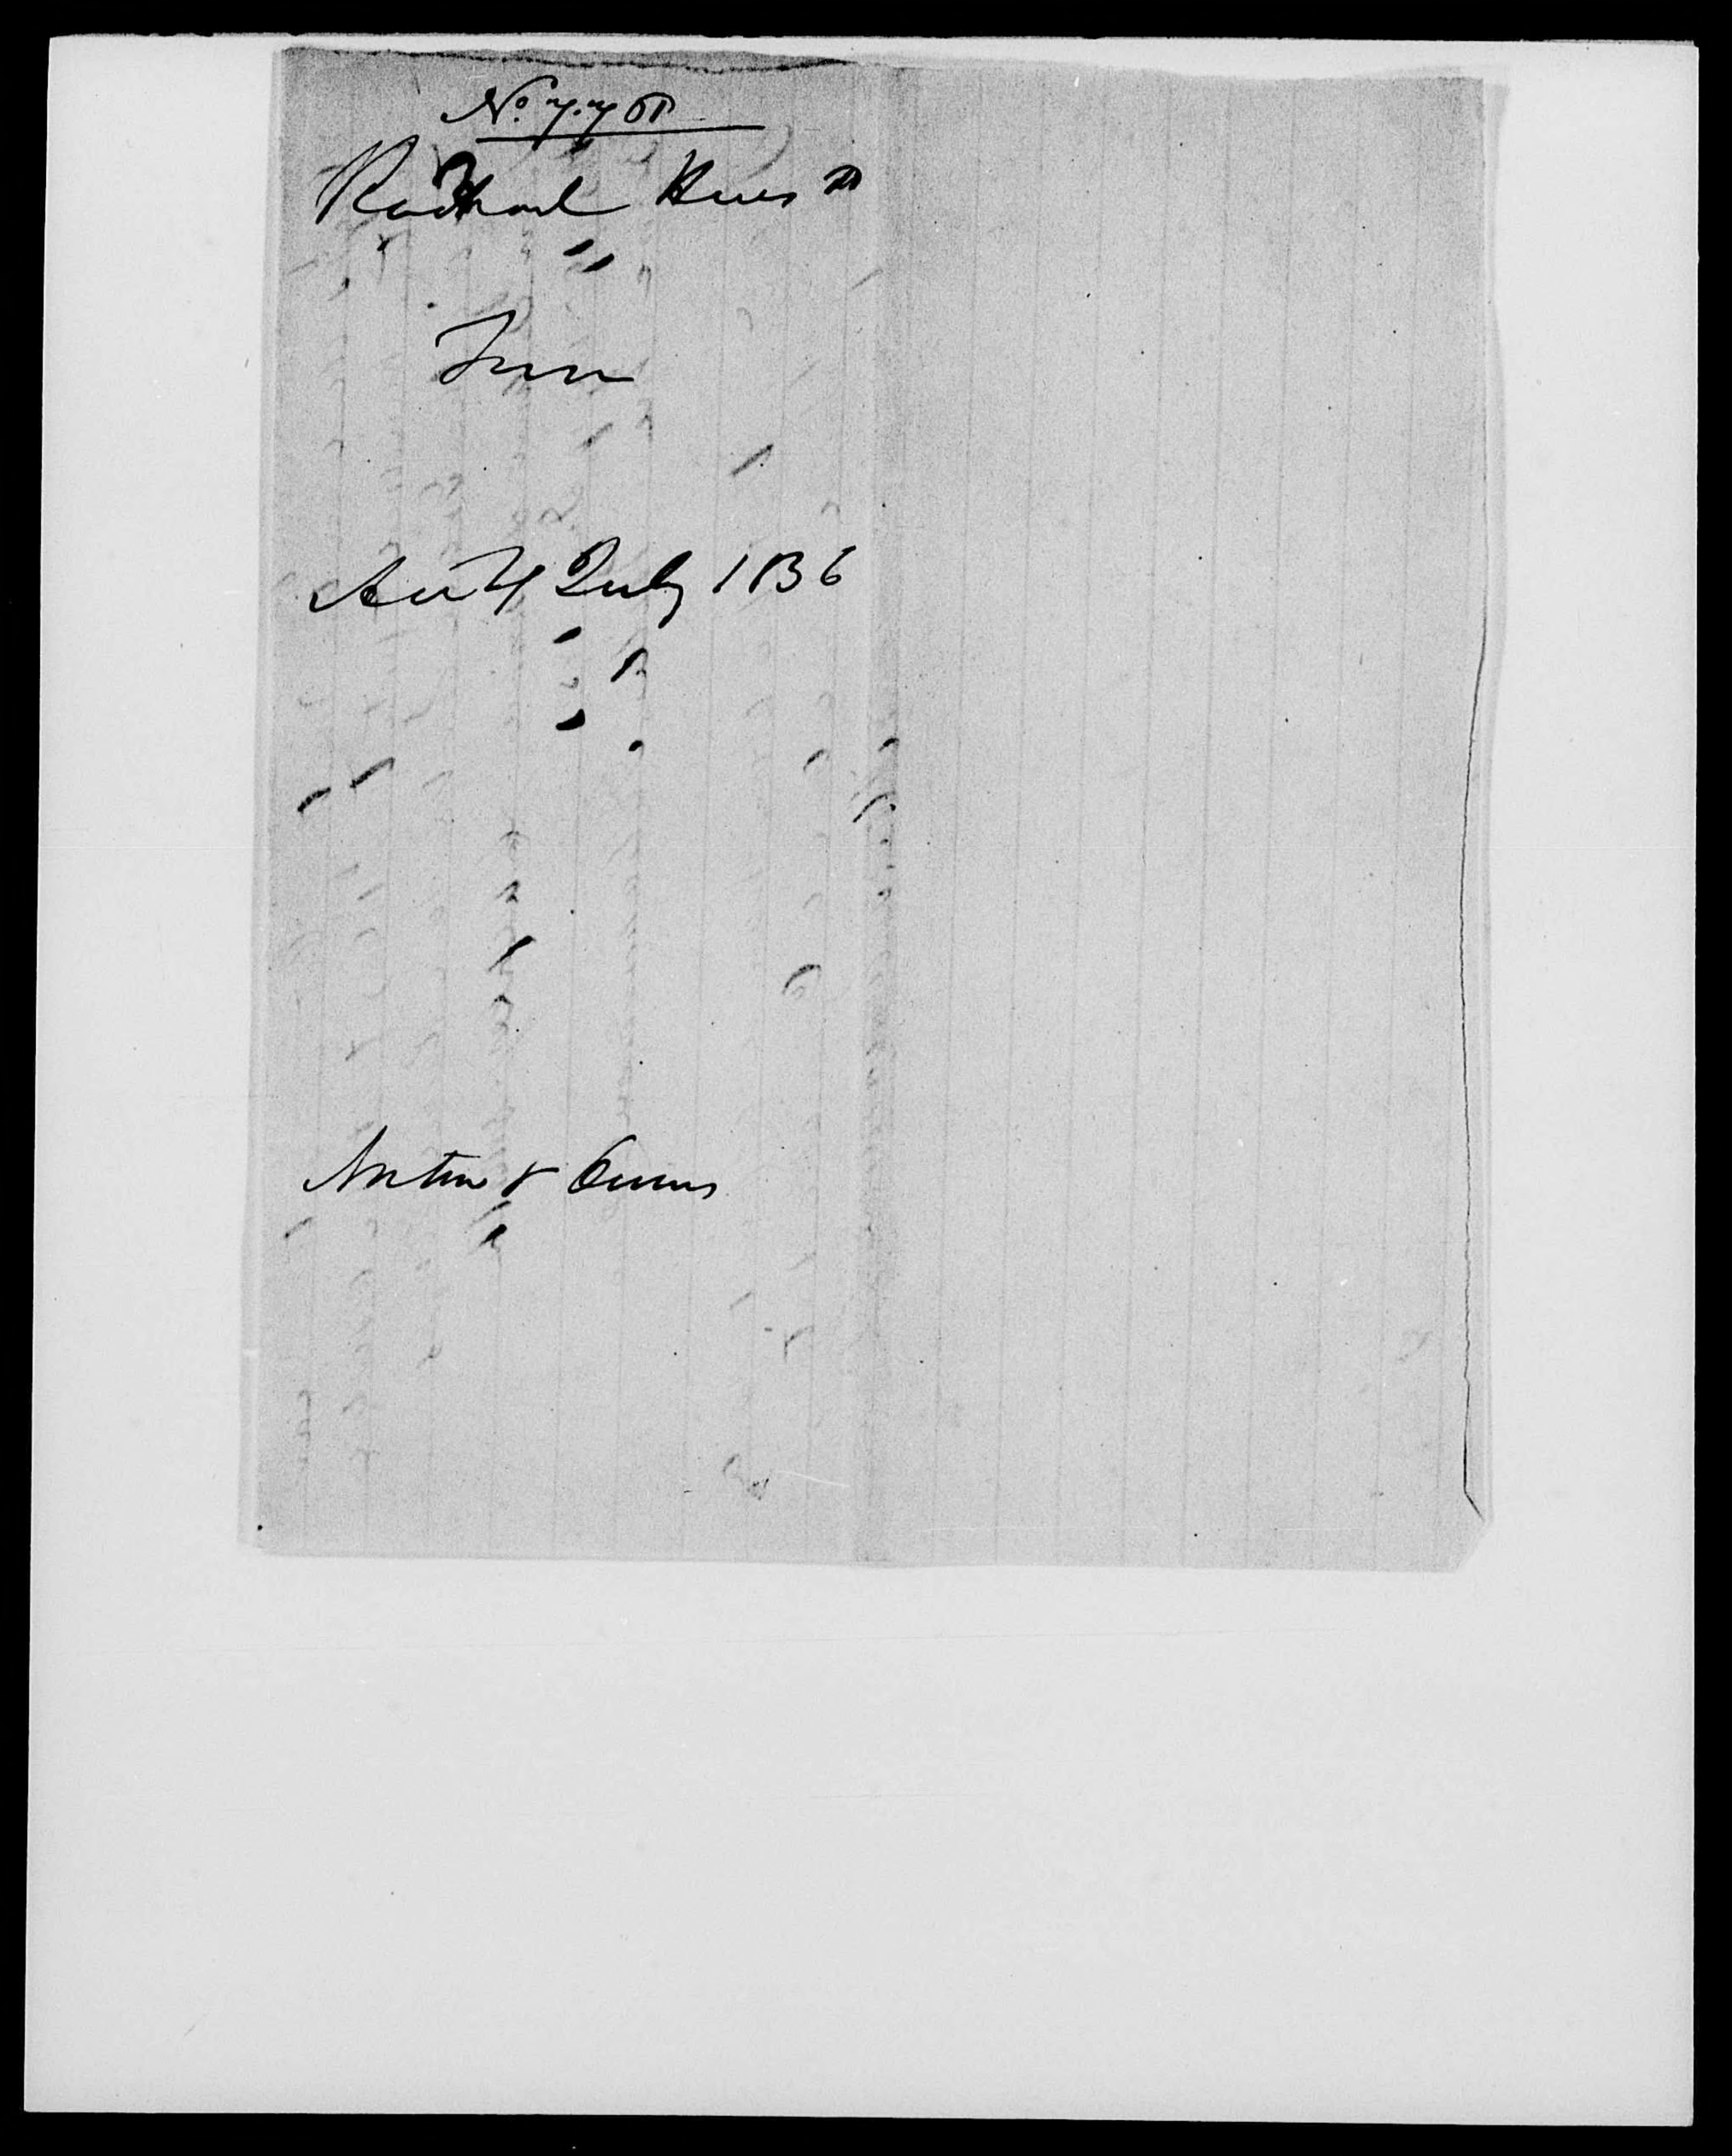No. 7761
Rachel Hues

Tenn.

[illegible] 4 July 1836

Norton & Owens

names: Rachael Hues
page: 12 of 24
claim: rejected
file: R. 5342, James Hues, N.C.